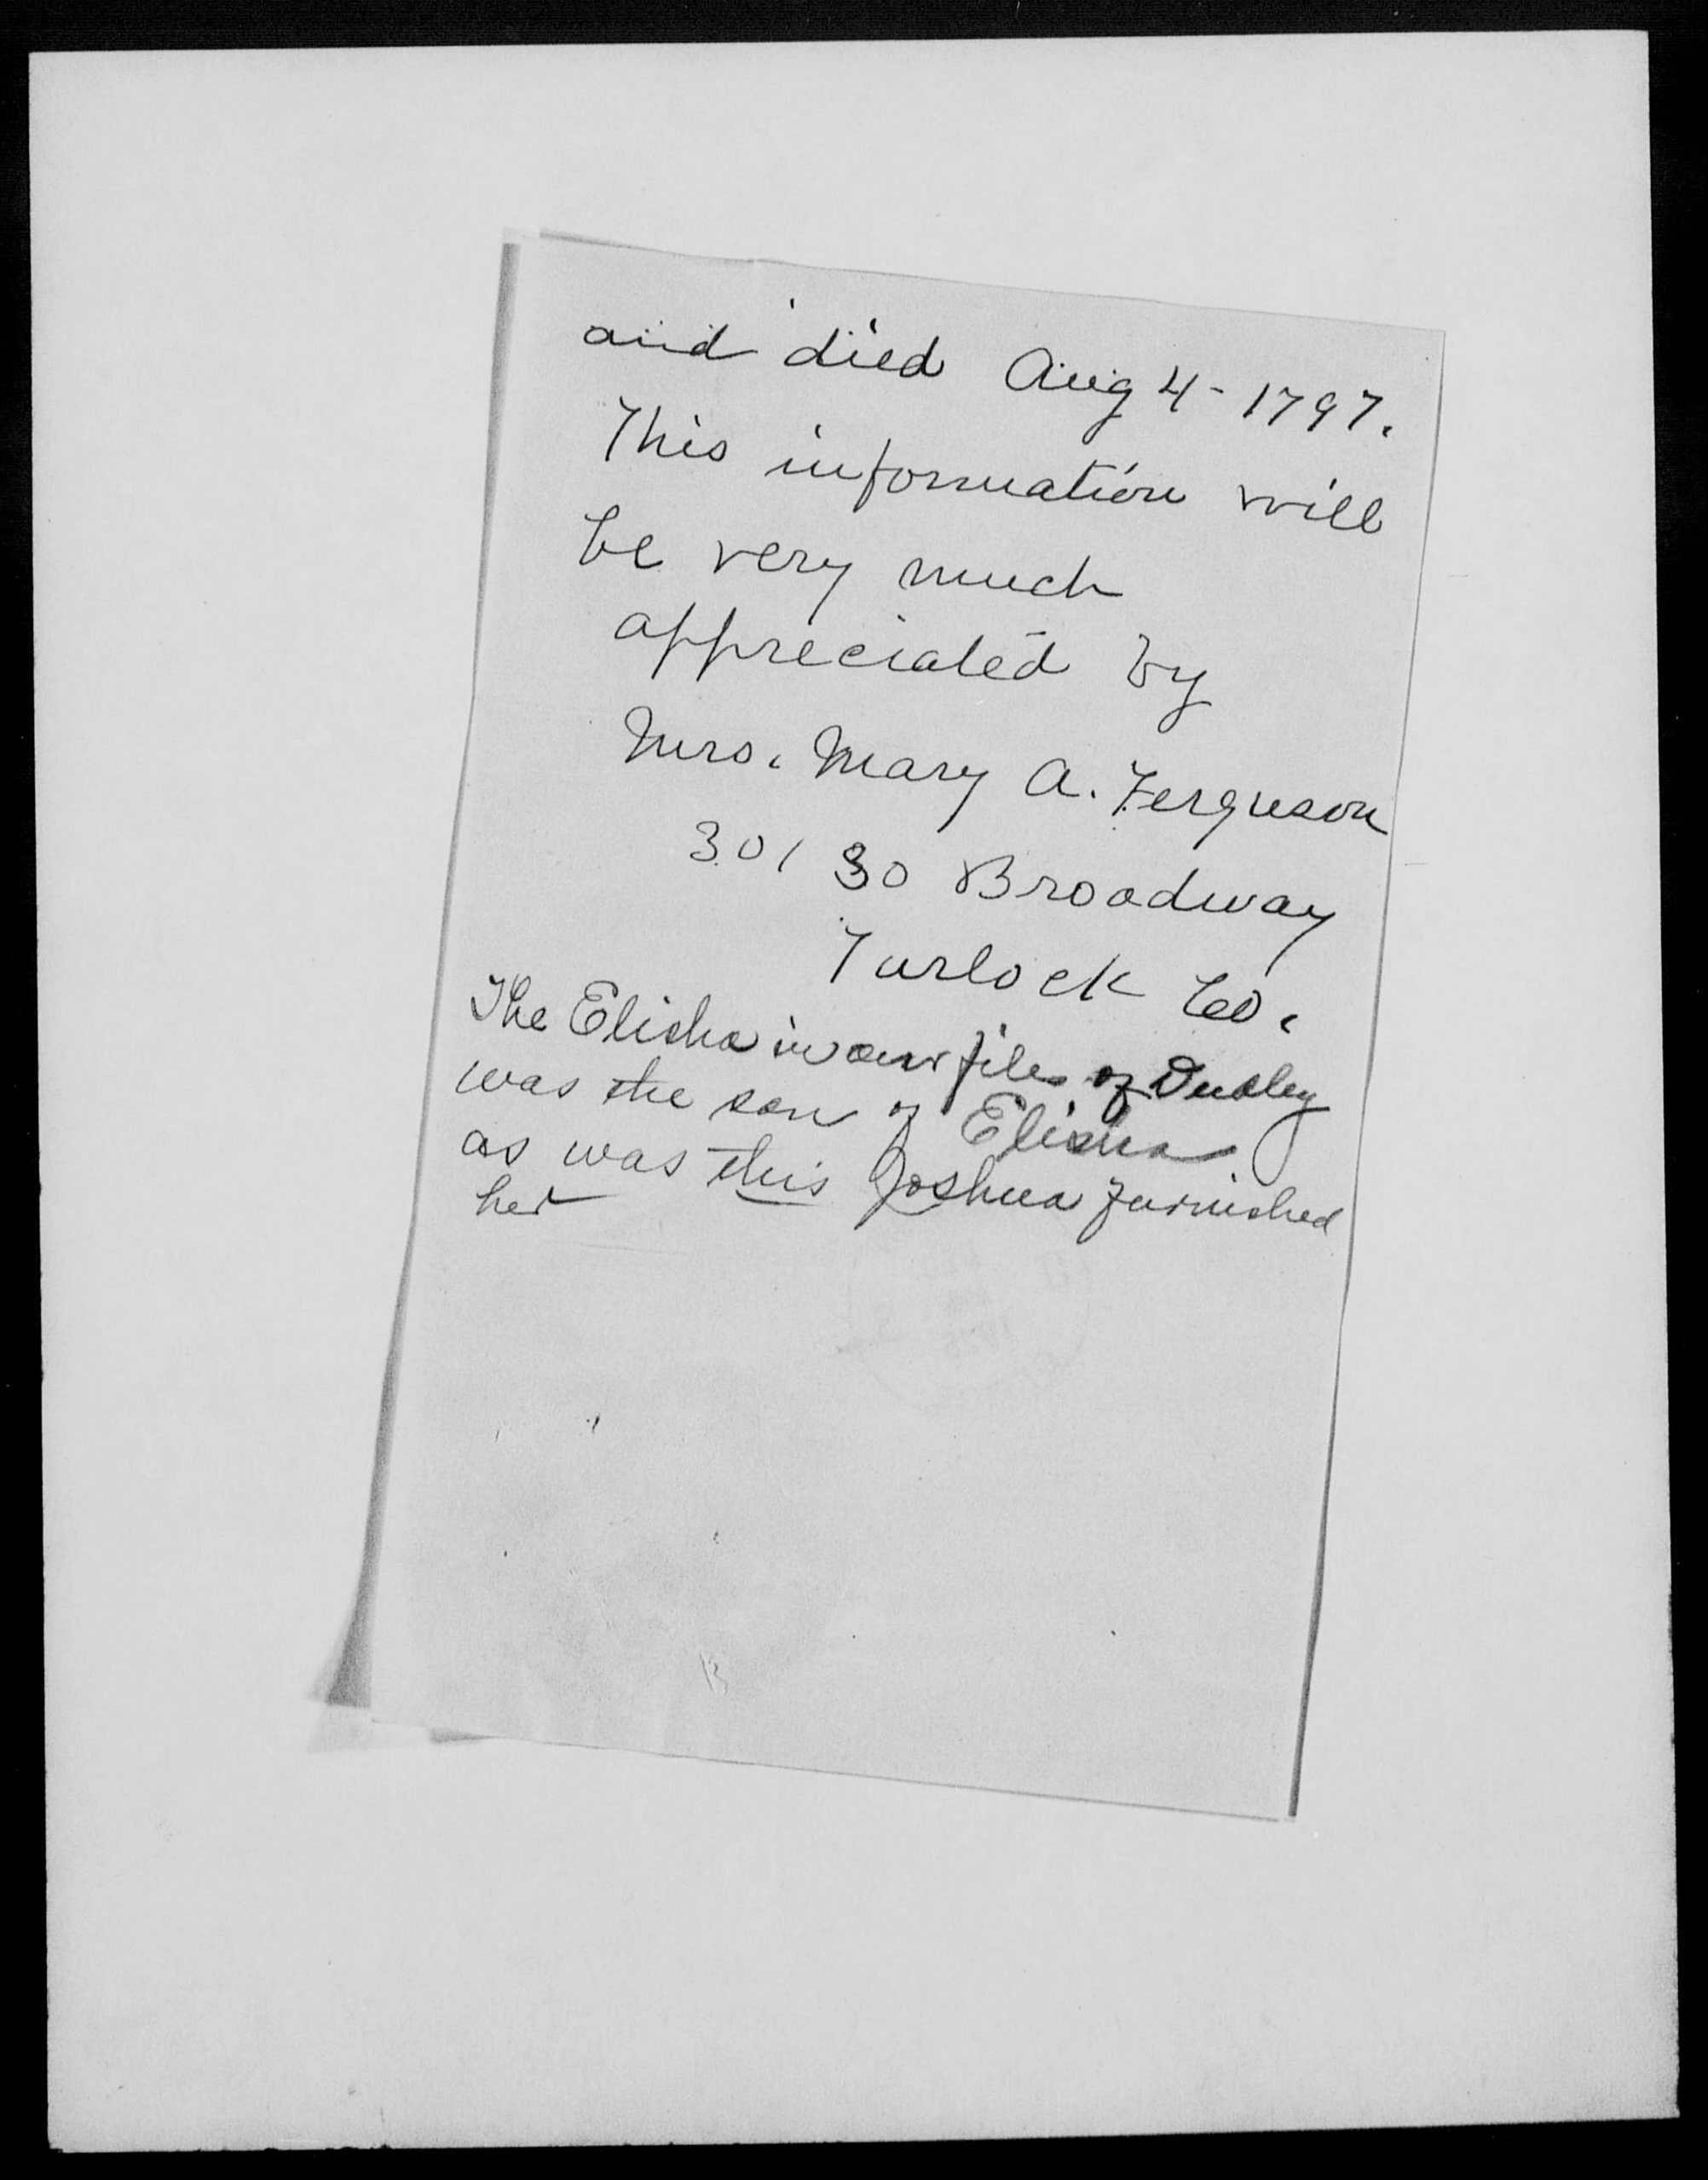and died Aug 4-1797.  The information will be very much appreciated by Mrs. Mary A. Ferguson 301 So Broadway Turlock Co.
The Elisha in our files of Dudley was the son of Elisha as was this Joshua furnished here.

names: Elisha, Mary A Ferguson, Elisha, Joshua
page: 26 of 34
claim: survivor's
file: S. 12581, Joshua Corbin, Mass.